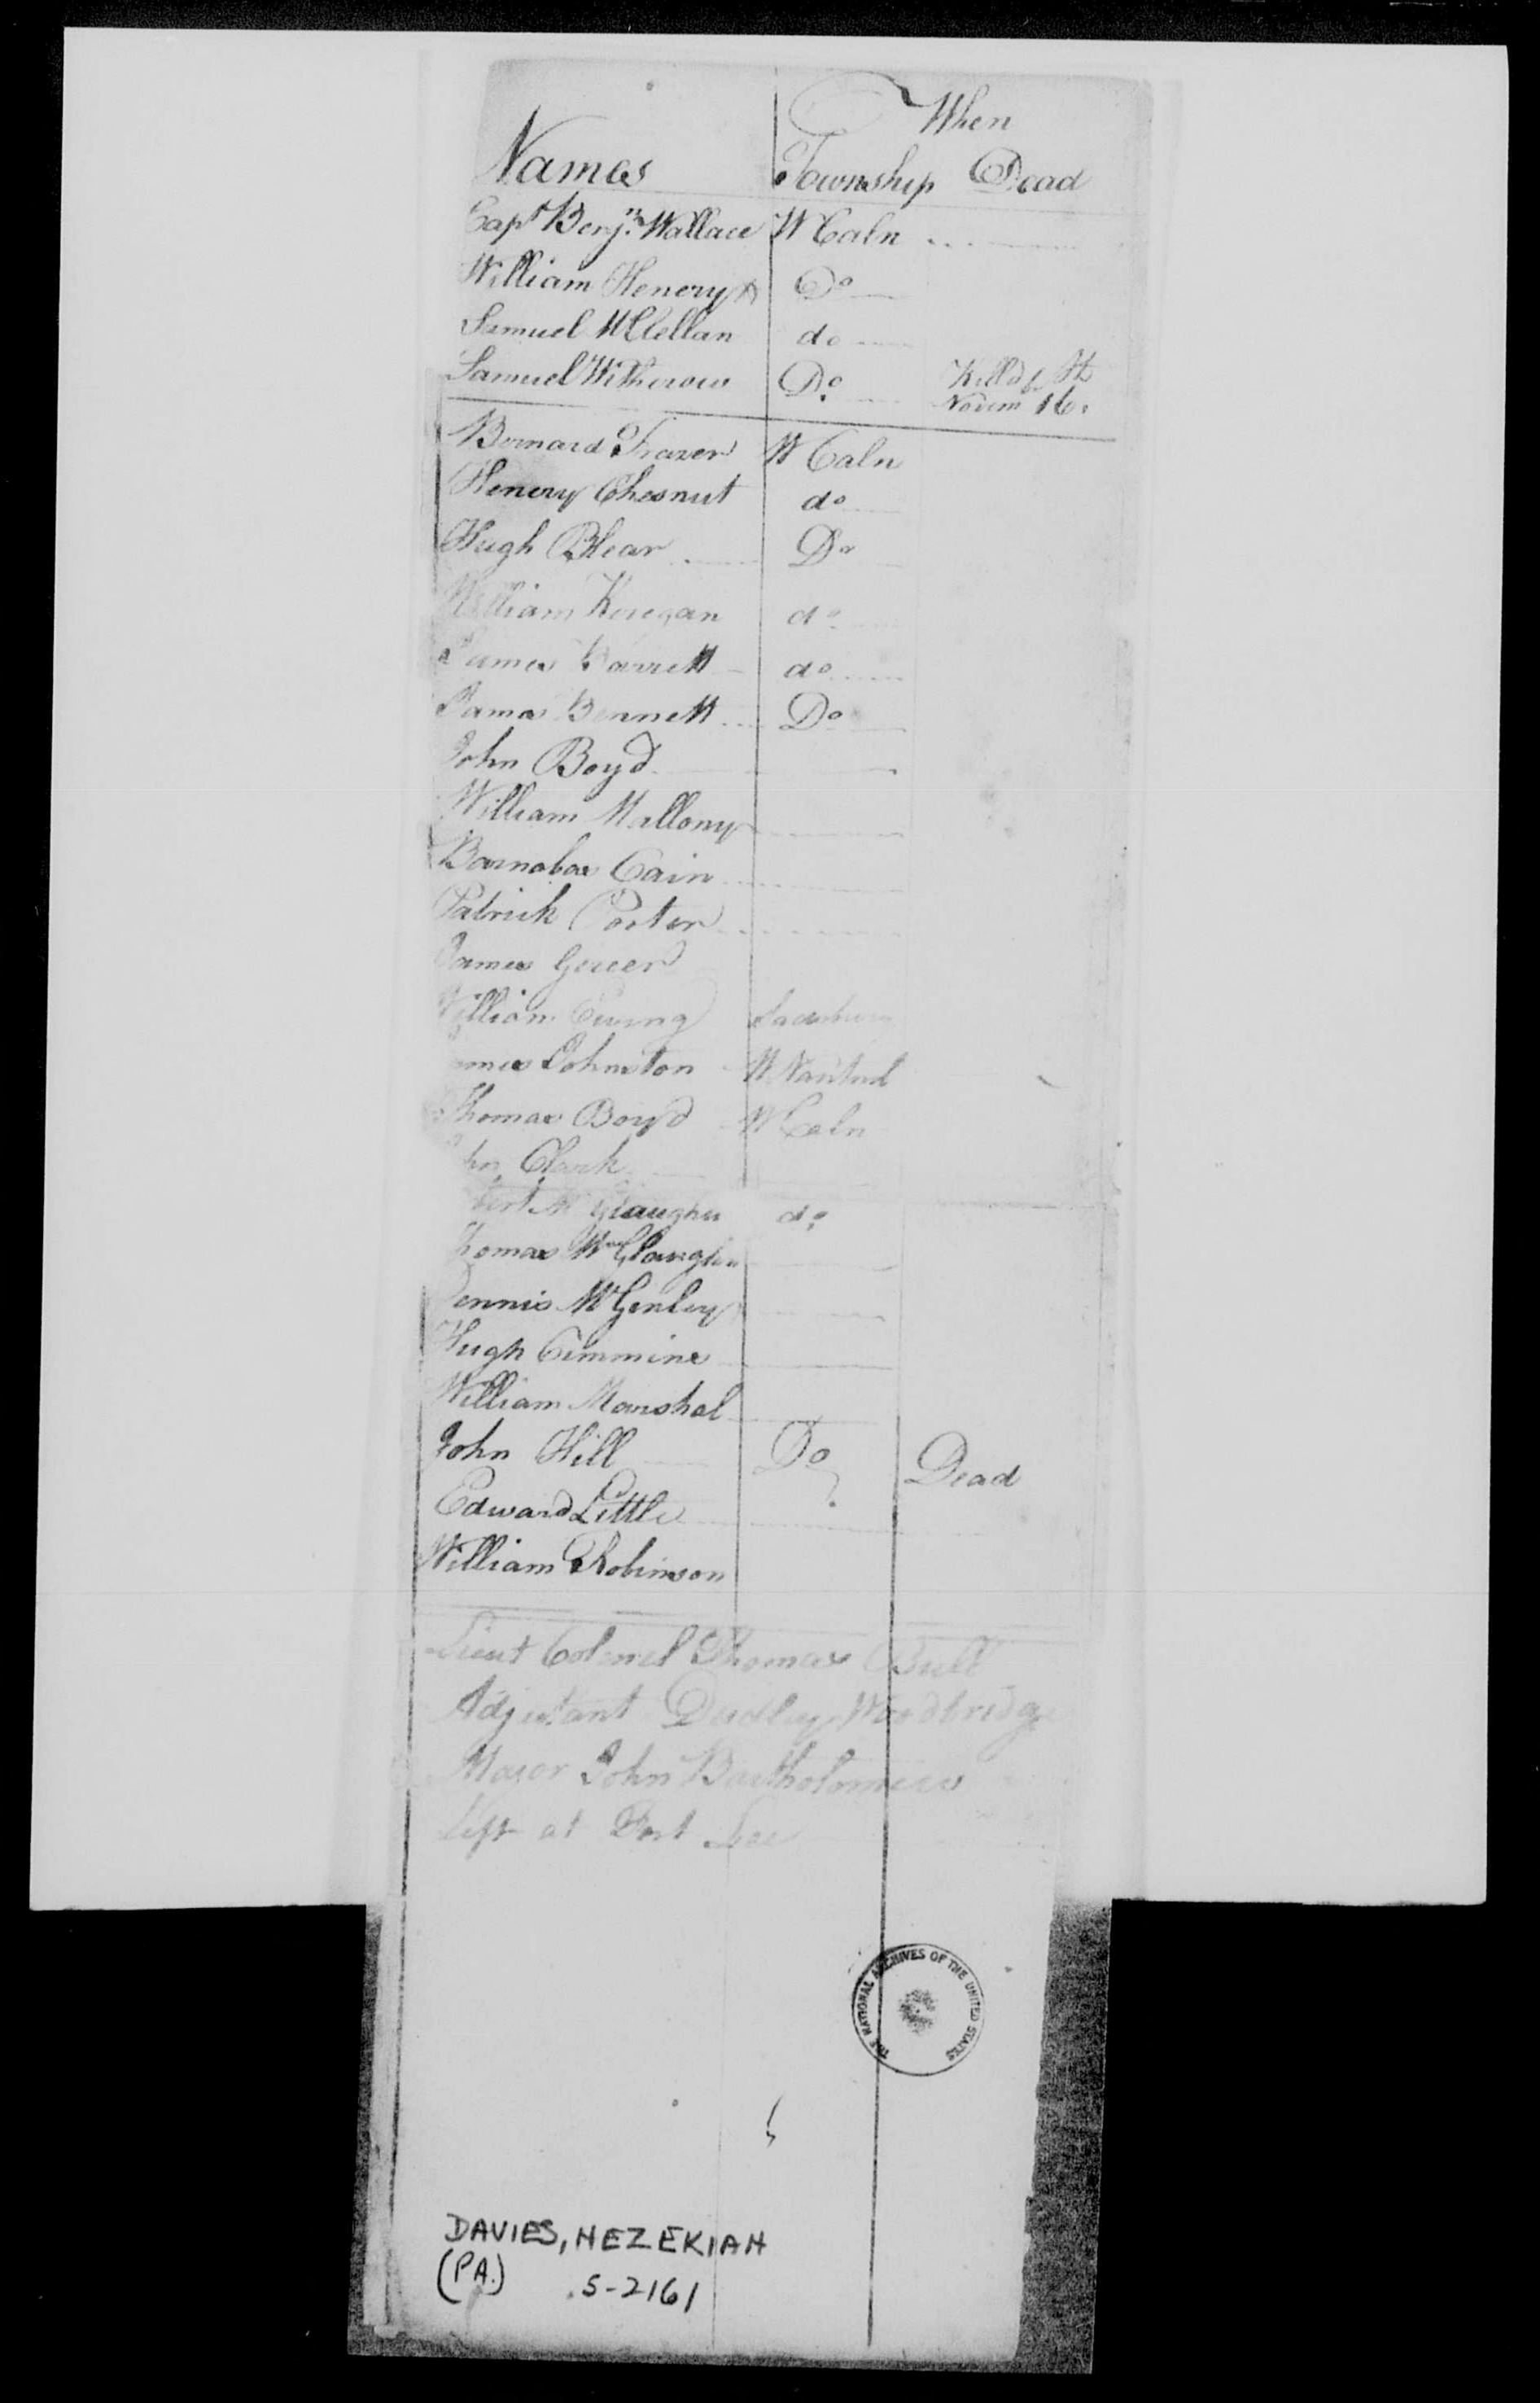[headings] Names. Township. When Dead

Capt Benjn. Wallace | W Caln
William Henery | do
Samuel McClellan | do
Samuel Witherow | do | killed Novembr. 16th
Bernard Frazer | W Caln
Henery Chesnut | do
Hugh Blear | do
William Keregan | do
James Barrett | do
James Bennett | do
John Boyd | 
William Mallony | 
Barnabas Cain | 
Patrick Porter | 
James Green | 
William Ewing | Sadsburg
James Johnston | W Nantuct
Thomas Boyd | W Caln
John Clark | 
[illegible] M Glaugher | do
Thomas McClaughen |
Dennis McGenley |
Hugh Cummins | 
William Marshal | John Hill | Do | Dead
Edward Little | 
William Robinson | 
Lieut Colonel Thomas Bull
Adjutant Dudley Woodbridge
Major John Bartholomew
Left at Port Lee

[circular stamp] THE NATIONAL ARCHIVES OF THE UNITED STATES

DAVIES, HEZEKIAH
(PA.) S-2161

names: Samuel Mc Clellan, Hugh Cummins, James Barrett, Robert Mc Glaugher, James Barrett, William Ewing, Barnabas Cain, Hugh Blear, William Mallony, Dennis Mc Ginley, Henery Chesnut, Samuel Witherow, Dudly Woodbridge, Thomas Mc Glaughlin, Benjn Wallace, John Boyd, William Marshal, Thomas Bull, Edward Little, Bernard Frazer, William Koregan, William Henery, James Grieer, James Johnston, Hezekiah Davies, Thomas Boyd, John Bartholomew, John Hill, Patrick Porter, William Robinson, John Clark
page: 56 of 57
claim: survivor's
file: S. 2161, Hezekiah Davies, Penn